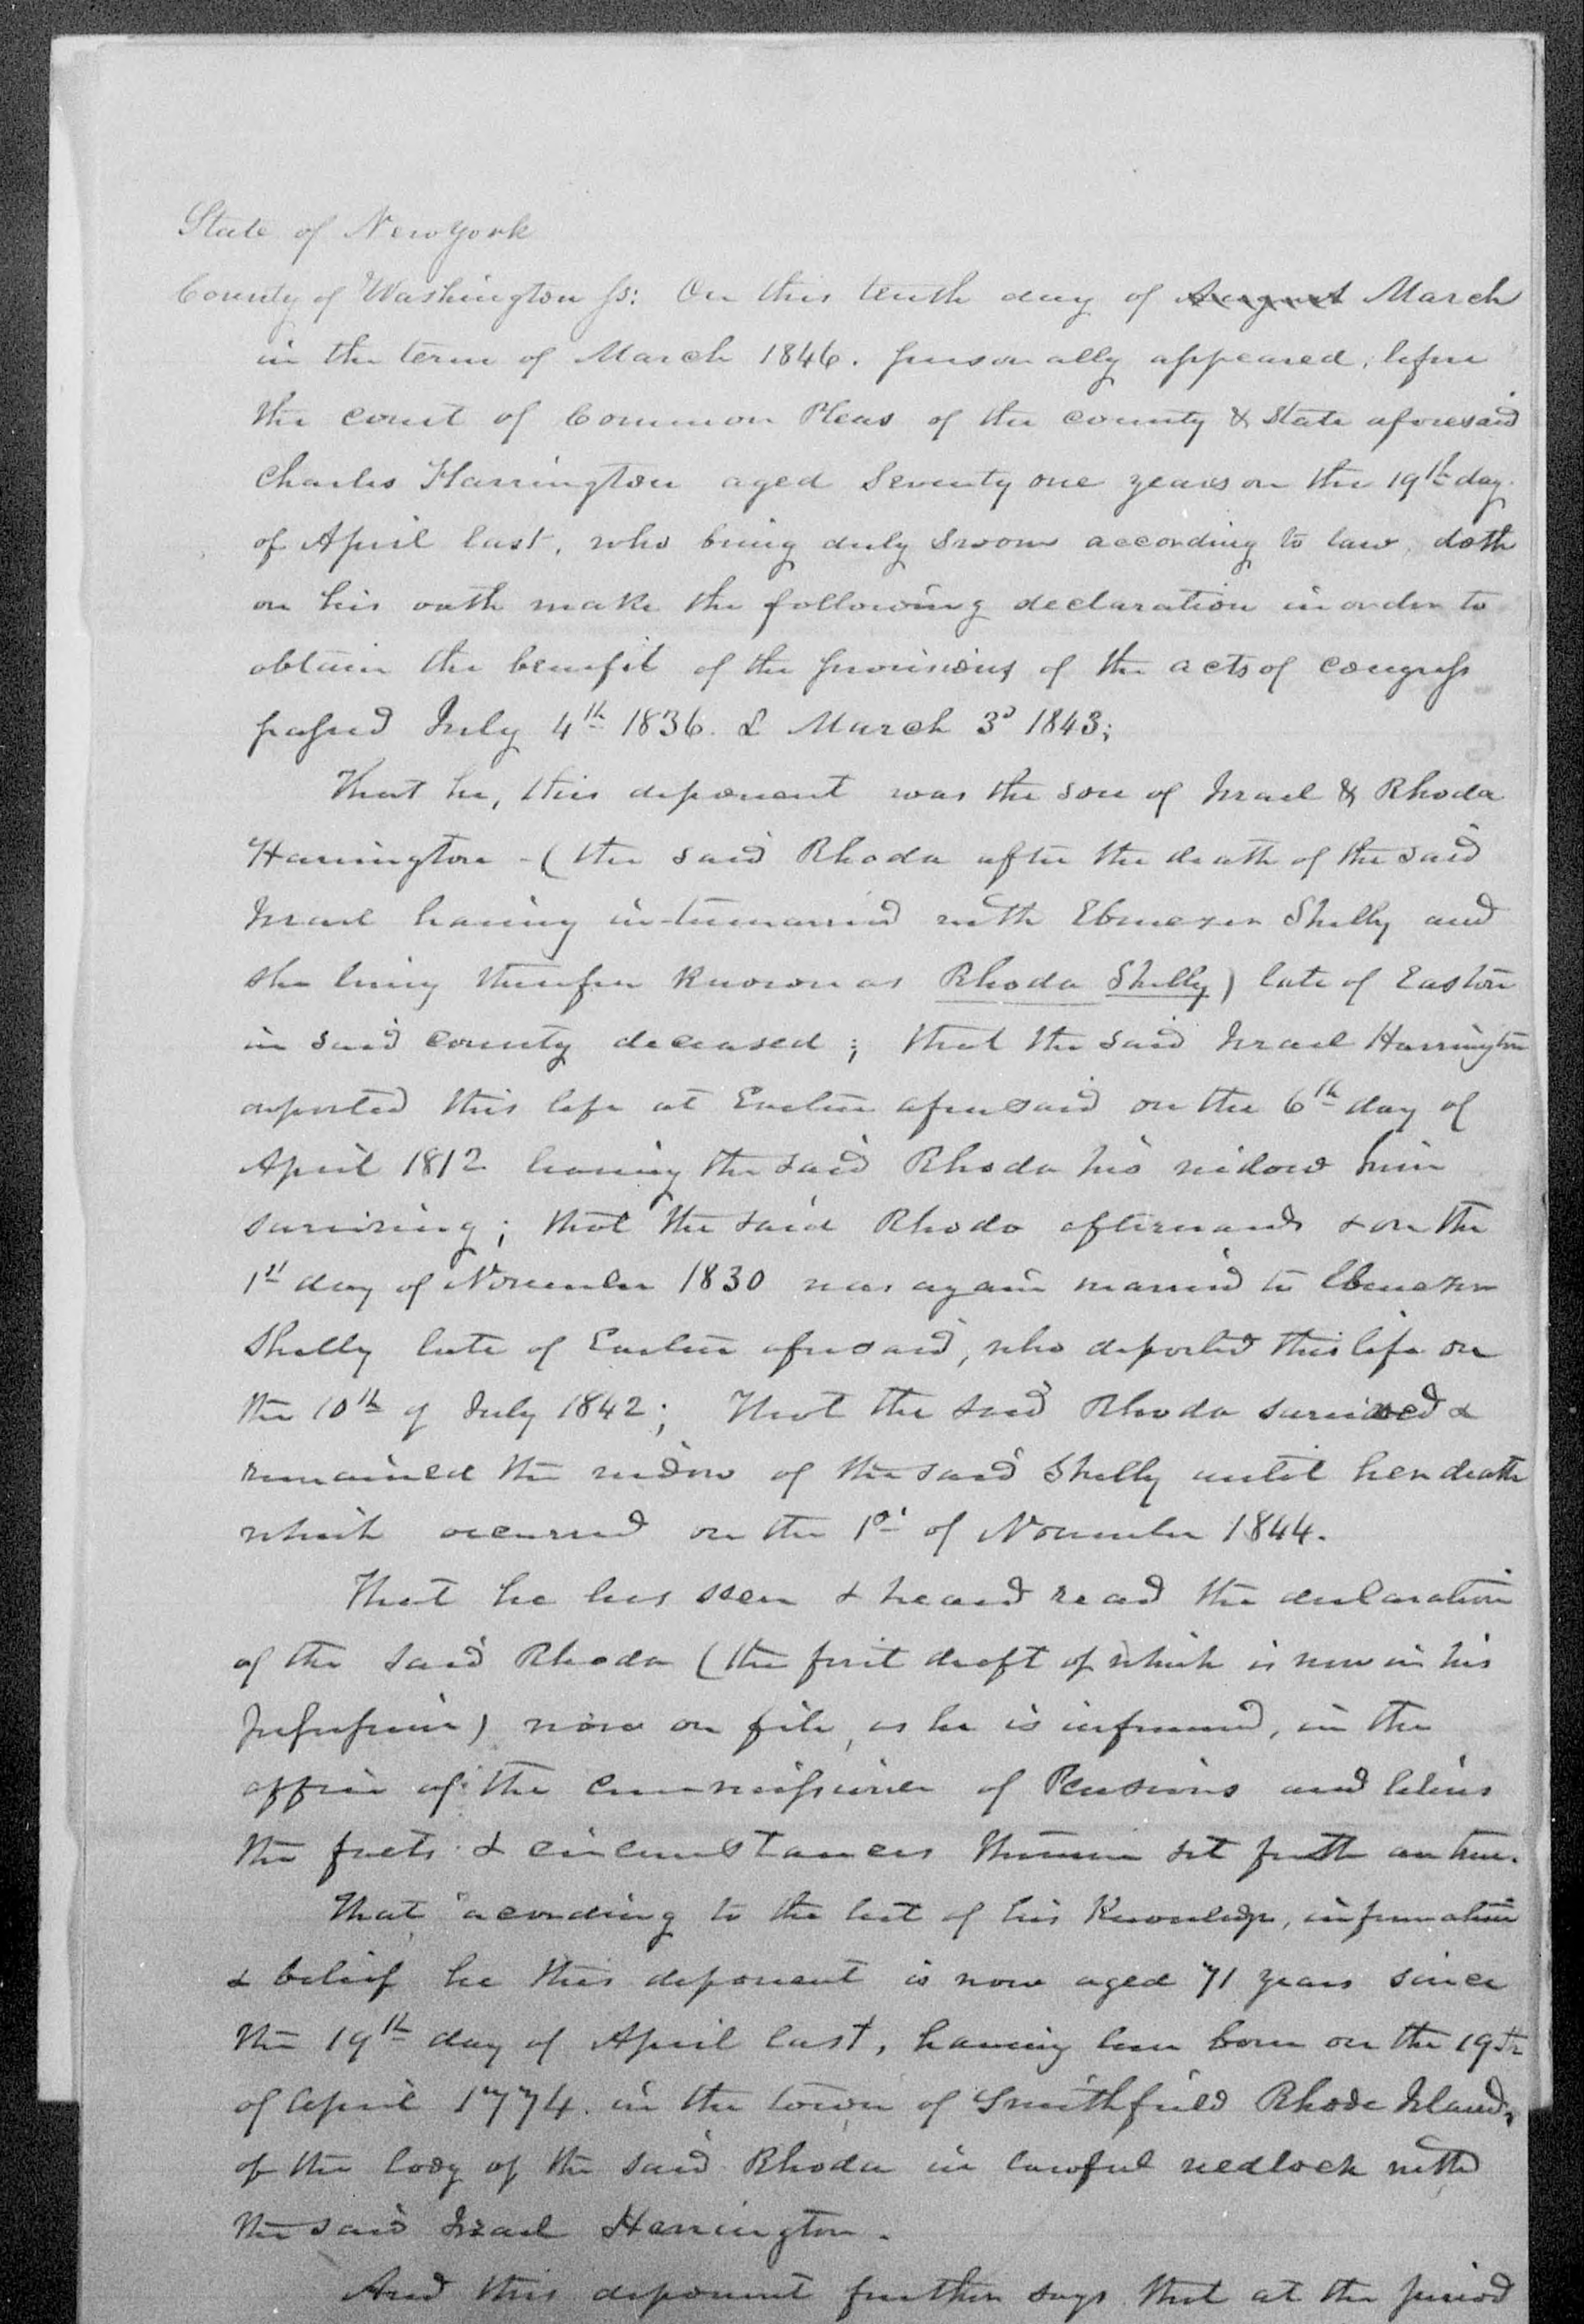State of New York
County of Washington Ss: On this tenth day of ["August" crossed out] March in the term of March 1846, personally appeared, before the Court of Common Pleas of the County & State aforesaid Charles Harrington aged Seventy one years on the 19th day of April last, who being duly sworn according to law doth on his oath make the following declaration in order to obtain the benefit of the provisions of the acts of congress passed July 4th 1836 & March 3d 1843;

That he, this deponant [deponent] was the son of Israel & Rhoda Harrington (the said Rhoda after the death of the said Israel having intermarried with Ebenezer Shelly and she being therefore known as Rhoda Shelly [name underlined]) late of Easton in said County deceased; that the said Israel Harrington departed this life at Easton aforesaid on the 6th day of April 1812 leaving the decd Rhoda his widow him surviving; that the said Rhoda aforesaid & on the 1st day of November 1830 was again married to Ebenezer Shelly late of Easton aforesaid, who departed this life on the 10th of July 1842; That the said Rhoda survived & remained the widow of the said Shelly until her death which occurred on the 10th of November 1844.

That he has seen & heard record of the declaration of the said Rhoda (the first draft of which is now in his Deposition) now on file, as he is informed, in the office of the Commission of Pensions and believes the facts & circumstances therein set forth as true.

That according to the last of his knowledge, information & belief he this deponent is now aged 71 years since the 19th day of April last, having been born on the 19th of April 1774, in the town of Smithfield Rhode Island, of the body of the said Rhoda in lawful wedlock with the said Israel Harrington.

And this deponent further says that at the period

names: Israel Harrington, Israel Harrington, Shelly, Israel, Charles Harrington, Ebenezer Shelly, Rhoda, Rhoda, Rhoda, Rhoda Harrington, Rhoda Shelly, Israel Harrington, Rhoda, Rhoda, Ebenezer Shelly, Rhoda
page: 23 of 51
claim: widow's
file: W. 19,026, Israel Harrington, R.I.